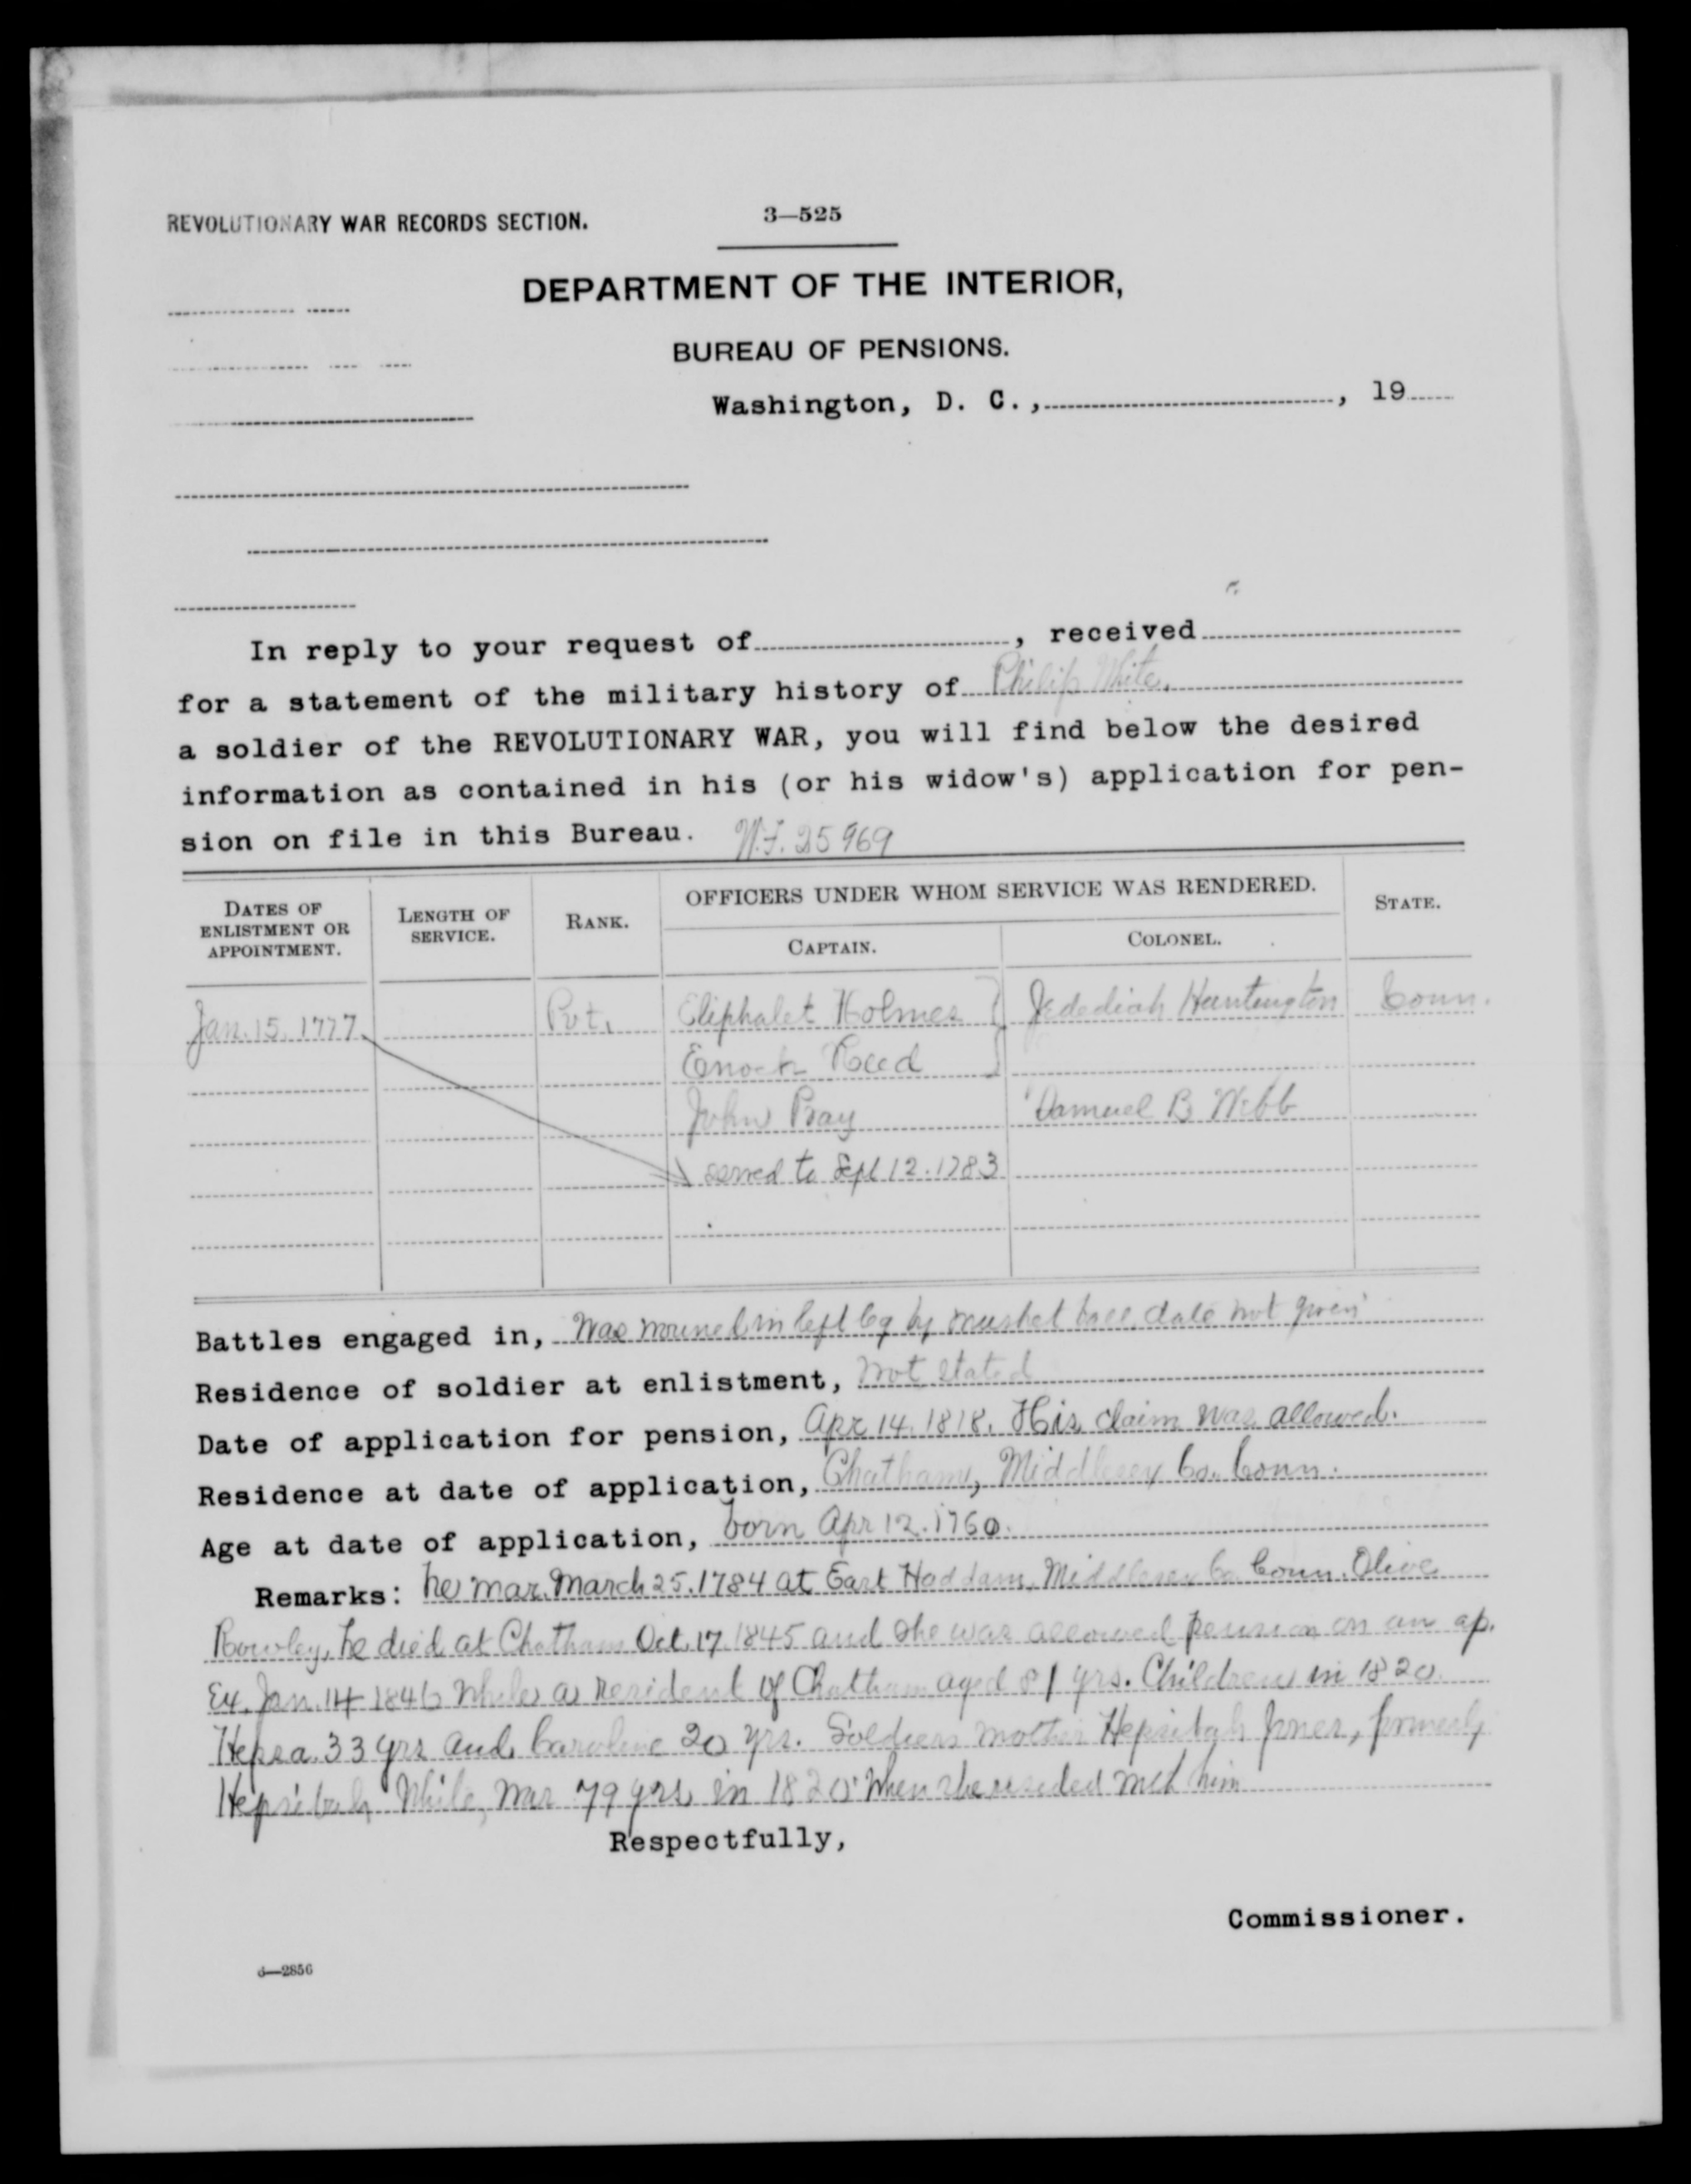REVOLUTIONARY WAR RECORDS SECTION.                3 - 525

DEPARTMENT OF THE INTERIOR,
BUREAU OF PENSIONS.
Washington, D.C.,____, 19__

In reply to your request of____, received ____
a statement of the military history of Philip White.
a soldier of the REVOLUTIONARY WAR, you will find below the desired
mation as contained in his (or his widow's) application for pension
on file in this Bureau W.F.. 25969

DATES OF ENLISTMENT OR APPOINTMENT.
Jan 15, 1777 ---> served to Sept 12. 1783

LENGTH OF SERVICE.

RANK.
Pvt

OFFICERS UNDER WHOM SERVICE WAS RENDERED.
CAPTAIN.
Eliphalet Holmes
Enoch Reed
John Peay
COLONEL.
Jedediah Huntington
Samuel B Webb.

STATE.
Conn

Battles engaged in, was wounded left leg by musket ball. date not given
Residence of soldier at enlistment, not stated
Date of application for pension, Apr. 4 1818. His claim was allowed.
Residence at date of application, Chatham, Middlesex Co., Conn.
Age at date of application, born Apr 12. 1760
Remarks: he mar. March 25. 1784 at East Haddam, Middlesex Coun. Olive
Rowley, he died at Chatham Oct 17. 1845 and she was allowed pension on an ap.
Ex, Jan 14 1846 while a resident of Chatham aged 81 yrs. Children in 1820.
Hepsa 33 yrs and Caroline 20 yrs. Soldiers Mother Hepsiba Jones, formerly
Hepsibah White, Mar 79 yrs in 1820. when she resided with him
Respectfully,

Commissioner.

4 -- 2856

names: Jedediah Huntington, Hepsibah Jones, John Pray, Olive Rowley, Elephalet Holmes, Enoch Reed, Samuel B Webb, Hepsibah White, Philip White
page: 42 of 50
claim: widow's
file: W. 25,969, Philip White, Conn.